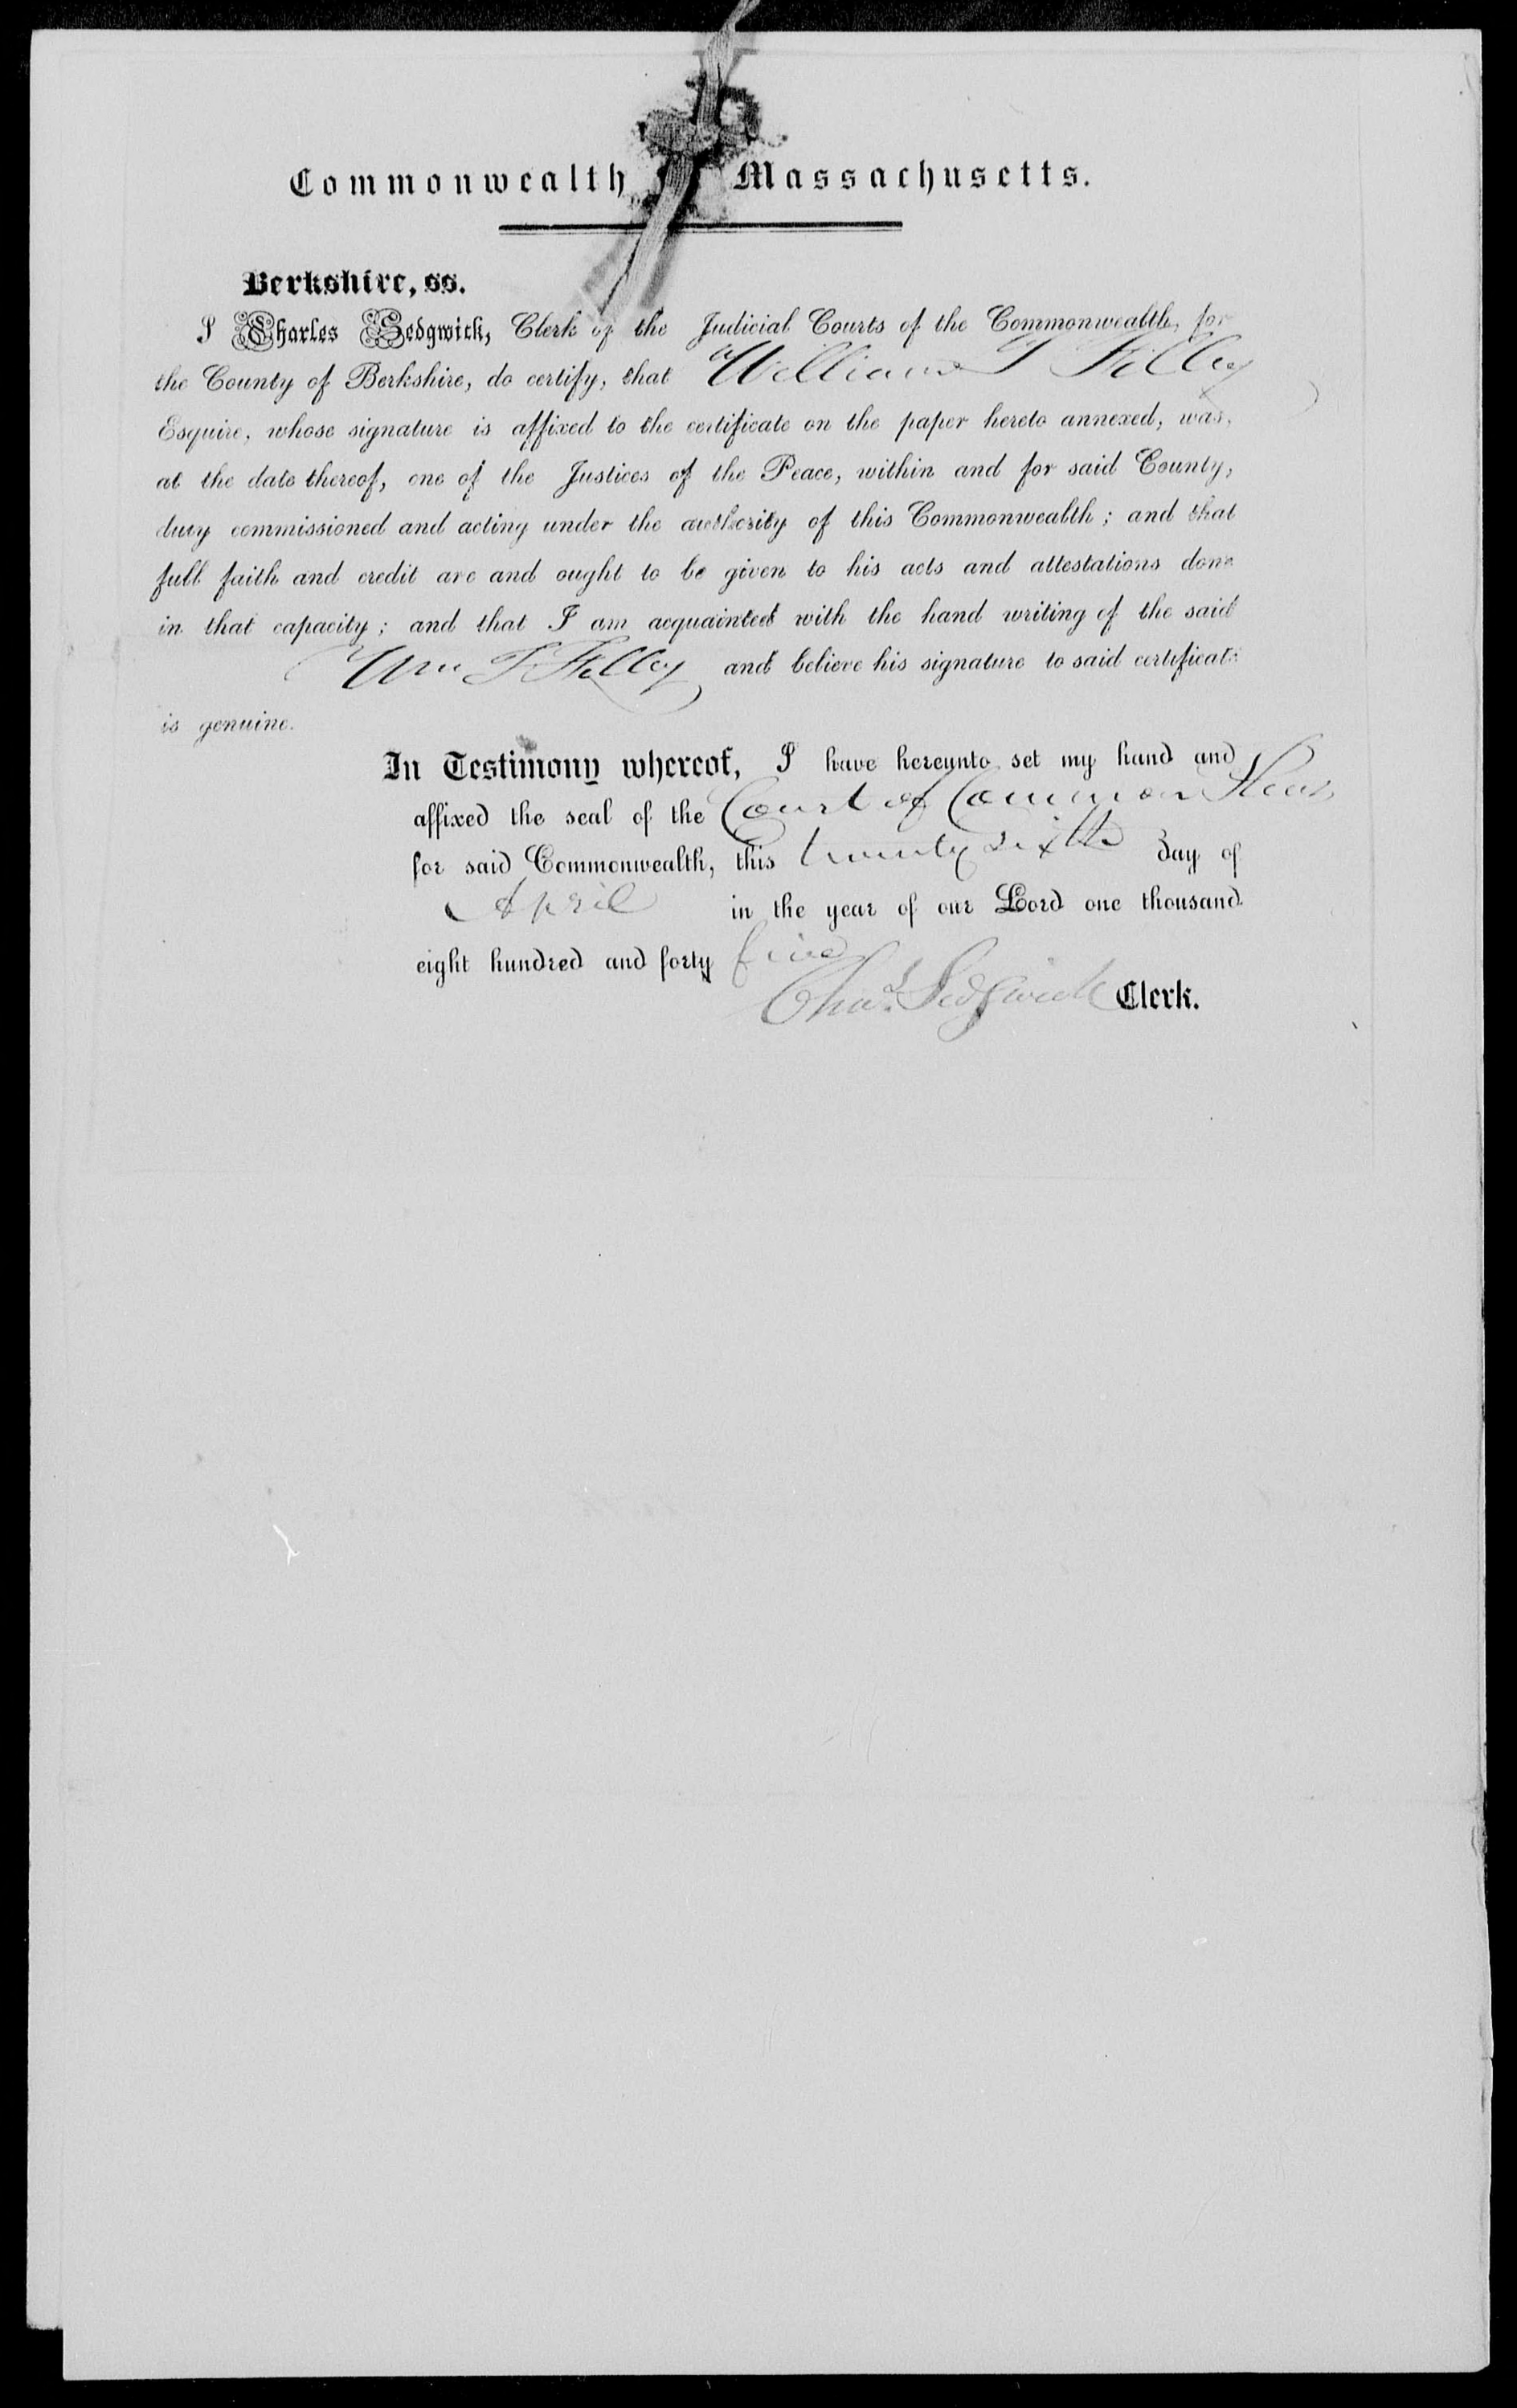Commonwealth Massachusetts. 
Berkshire, ss. 
I Charles Sedgwick, Clerk of the Judicial Courts of the Commonwealth, for the County of Berkshire, do certify, that William T Filley Esquire, whose signature is affixed to the certificate on the paper hereto annexed, was, at the date thereof, one of the Justices of the Peace, within and for said County, duly commissioned and acting under the authority of this Commonwealth; and that full faith and credit are and ought to be given to his acts and attestations do in that capacity; and that I am acquainted with the hand writing of the said Wm T Filley and believe his signature to said certificate is genuine.
 In Testimony whereof, I have hereunto set my hand and affixed the seal of the Court of Common Pleas for said Commonwealth, this twenty sixth day of April in the year of our Lord one thousand eight hundred and forty five
 Chas Sedgwick Clerk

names: William T Filley, Chas Sedgwick, Wm T Filley, Charles Sedgwick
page: 66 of 74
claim: widow's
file: W. 23424, John Allen, Mass. R. I.